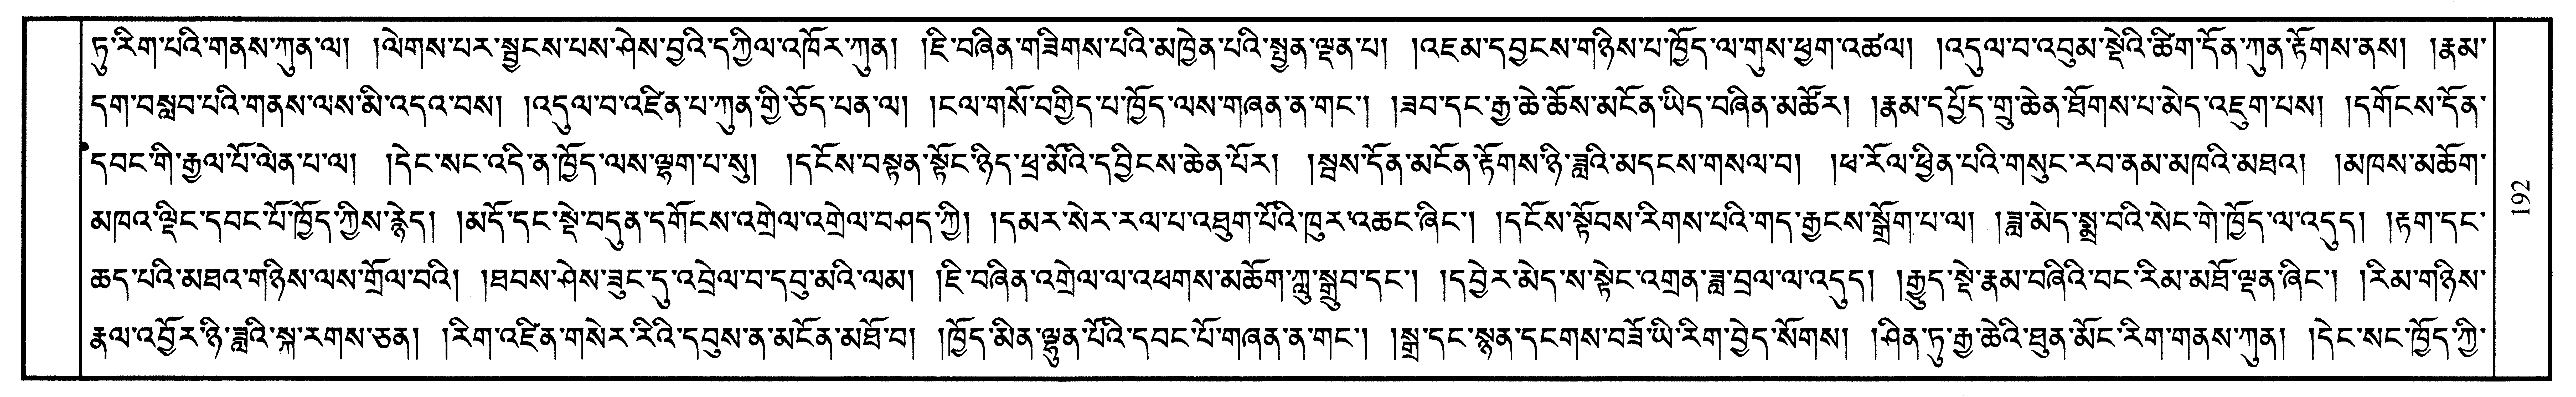ཏུ་རིག་པའི་གནས་ཀུན་ལ། །ལེགས་པར་སྦྱངས་པས་ཤེས་བྱའི་དཀྱིལ་འཁོར་ཀུན། །ཇི་བཞིན་གཟིགས་པའི་མཁྱེན་པའི་སྤྱན་ལྡན་པ། །འཇམ་དབྱངས་གཉིས་པ་ཁྱོད་ལ་གུས་ཕྱག་འཚལ། །འདུལ་བ་འབུམ་སྡེའི་ཚིག་དོན་ཀུན་རྟོགས་ནས། །རྣམ་
དག་བསླབ་པའི་གནས་ལས་མི་འདའ་བས། །འདུལ་བ་འཛིན་པ་ཀུན་གྱི་ཅོད་པན་ལ། །ངལ་གསོ་བགྱིད་པ་ཁྱོད་ལས་གཞན་ན་གང་། །ཟབ་དང་རྒྱ་ཆེ་ཆོས་མངོན་ཡིད་བཞིན་མཚོར། །རྣམ་དཔྱོད་གྲུ་ཆེན་ཐོགས་པ་མེད་འཇུག་པས། །དགོངས་དོན་
དབང་གི་རྒྱལ་པོ་ལེན་པ་ལ། །དེང་སང་འདི་ན་ཁྱོད་ལས་ལྷག་པ་སུ། །དངོས་བསྟན་སྟོང་ཉིད་ཕྲ་མོའི་དབྱིངས་ཆེན་པོར། །སྦས་དོན་མངོན་རྟོགས་ཉི་ཟླའི་མདངས་གསལ་བ། །ཕ་རོལ་ཕྱིན་པའི་གསུང་རབ་ནམ་མཁའི་མཐའ། །མཁས་མཆོག་
མཁའ་ལྡིང་དབང་པོ་ཁྱོད་ཀྱིས་རྙེད། །མདོ་དང་སྡེ་བདུན་དགོངས་འགྲེལ་འགྲེལ་བཤད་ཀྱི། །དམར་སེར་རལ་པ་འཐུག་པོའི་ཁུར་འཆང་ཞིང་། །དངོས་སྟོབས་རིགས་པའི་གད་རྒྱངས་སྒྲོག་པ་ལ། །ཟླ་མེད་སྨྲ་བའི་སེང་གེ་ཁྱོད་ལ་འདུད། །རྟག་དང་
ཆད་པའི་མཐའ་གཉིས་ལས་གྲོལ་བའི། །ཐབས་ཤེས་ཟུང་དུ་འབྲེལ་བ་དབུ་མའི་ལམ། །ཇི་བཞིན་འགྲེལ་ལ་འཕགས་མཆོག་ཀླུ་སྒྲུབ་དང་། །དབྱེར་མེད་ས་སྟེང་འགྲན་ཟླ་བྲལ་ལ་འདུད། །རྒྱུད་སྡེ་རྣམ་བཞིའི་བང་རིམ་མཐོ་ལྡན་ཞིང་། །རིམ་གཉིས་
རྣལ་འབྱོར་ཉི་ཟླའི་སྐ་རགས་ཅན། །རིག་འཛིན་གསེར་རིའི་དབུས་ན་མངོན་མཐོ་བ། །ཁྱོད་མིན་ལྷུན་པོའི་དབང་པོ་གཞན་ན་གང་། །སྒྲ་དང་སྙན་དངགས་བཟོ་ཡི་རིག་བྱེད་སོགས། །ཤིན་ཏུ་རྒྱ་ཆེའི་ཐུན་མོང་རིག་གནས་ཀུན། །དེང་སང་ཁྱོད་ཀྱི་